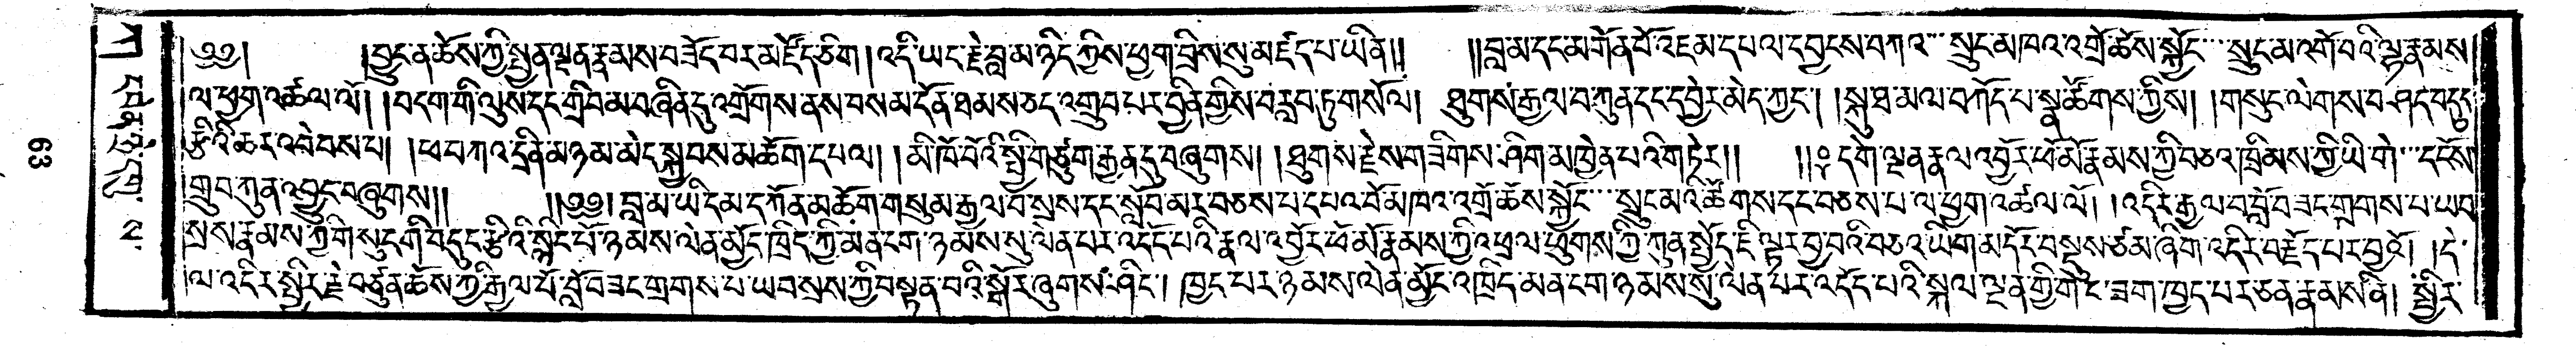༄༅། །བྱུང་ན་ཆོས་ཀྱི་སྤྱན་ལྡན་རྣམས་བཟོད་བར་མཛོད་ཅིག། འདི་ཡང་རྗེ་བླ་མ་ཉིད་ཀྱིས་ཕྱག་བྲིས་སུ་མཛད་པ་ཡིན།། །།བླ་མ་དང་མགོན་པོ་འཇམ་དཔལ་དབྱངས་བཀའ་སྲུང་མཁའ་འགྲོ་ཆོས་སྐྱོང་སྲུང་མ་འགོ་བའི་ལྷ་རྣམས་
ལ་ཕྱག་འཚལ་ལོ། །བདག་གི་ལུས་དང་གྲིབ་མ་བཞིན་དུ་འགྲོགས་ནས་བསམ་དོན་ཐམས་ཅད་འགྲུབ་པར་བྱིན་གྱིས་བརླབ་ཏུ་གསོལ། ཐུགས་རྒྱལ་བ་ཀུན་དང་དབྱེར་མེད་ཀྱང་། །སྐུ་ཐ་མལ་བཀོད་པ་སྣ་ཚོགས་ཀྱིས། །གསུང་ལེགས་བཤད་བདུང་
རྩིའི་ཆར་འབེབས་པ། །ཕ་བཀའ་དྲིན་མཉམ་མེད་སྐྱབས་མཆོག་དཔལ། །མི་ཁོ་བོའི་སྤྱི་གཙུག་རྒྱན་དུ་བཞུགས། །ཐུགས་རྗེས་གཟིགས་ཤིག་མཁྱེན་པའི་གཏེར།། །།འ་དགེ་ལྡན་རྣལ་འབྱོར་ཕོ་མོ་རྣམས་ཀྱི་བཅའ་ཁྲིམས་ཀྱི་ཡི་གེ་དངོས་
གྲུབ་ཀུན་འབྱུང་བཞུགས།། །།༄༅། བླ་མ་ཡི་དམ་དཀོན་མཆོག་གསུམ་རྒྱལ་བ་སྲས་དང་སློབ་མར་བཅས་པ་དཔའ་བོ་མཁའ་འགྲོ་ཆོས་སྐྱོང་སྲུང་མའི་ཚོགས་དང་བཅས་པ་ལ་ཕྱག་འཚལ་ལོ། །འདིར་རྒྱལ་བ་བློ་བཟང་གྲགས་པ་ཡབ་
སྲས་རྣམས་ཀྱི་གསུང་གི་བདུང་རྩིའི་སྙིང་པོ་ཉམས་ལེན་མྱོང་ཁྲིད་ཀྱི་མན་ངག་ཉམས་སུ་ལེན་པར་འདོད་པའི་རྣལ་འབྱོར་ཕོ་མོ་རྣམས་ཀྱི་འཕྲལ་ཕུགས་ཀྱི་ཀུན་སྤྱོད་ཇི་ལྟར་བྱ་བའི་བཅའ་ཡིག་མདོར་བསྡུས་ཙམ་ཞིག་འདིར་བརྗོད་པར་བྱའོ། །དེ་
ལ་འདིར་སྤྱིར་རྗེ་བཙུན་ཆོས་ཀྱི་རྒྱལ་པོ་བློ་བཟང་གྲགས་པ་ཡབ་སྲས་ཀྱི་བསྟན་བའི་སྒོར་ཞུགས་ཤིང་། ཁྱད་པར་ཉམས་ལེན་མྱོང་འཁྲིད་མན་ངག་ཉམས་སུ་ལེན་པར་འདོད་པའི་སྐལ་ལྡན་གྱི་གང་ཟག་ཁྱད་པར་ཅན་རྣམས་ནི། སྤྱིར་